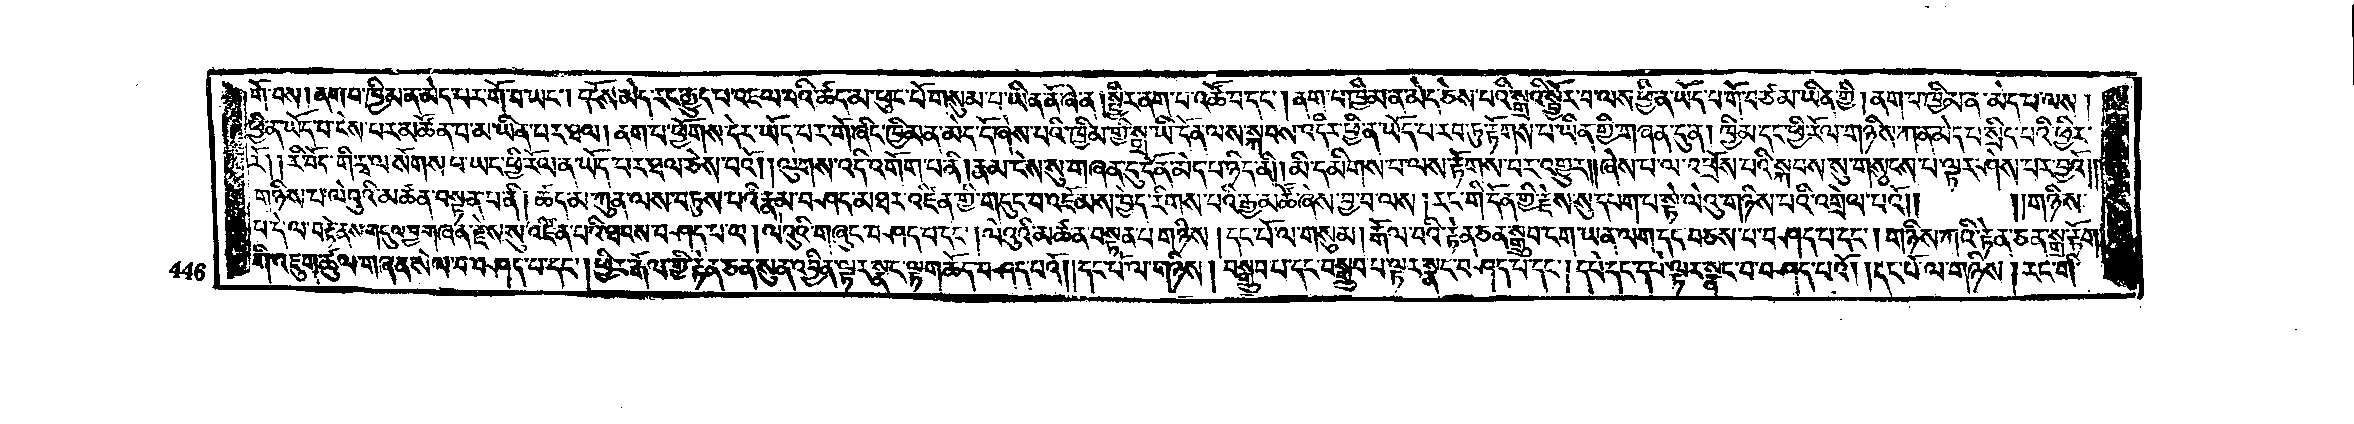གོ་བས། ནག་པ་ཁྱིམ་ན་མེད་པར་གོ་བ་ཡང་། དངོས་མེད་རང་རྒྱུད་པ་འཇལ་བའི་ཚད་མ་ཕུང་པོ་གསུམ་པ་ཡིན་ནོ་ཞེ་ན། སྤྱིར་ནག་པ་འཚོ་བ་དང་། ནག་བ་ཁྱིམ་ན་མེད་ཅེས་པའི་སྒྲའི་སྦྱོར་བ་ལས་ཕྱི་ན་ཡོད་པ་གོ་བ་ཙམ་ཡིན་གྱི། ནག་པ་ཁྱིམ་ན་མེད་པ་ལས་
ཕྱིན་ཡོད་པ་ངེས་པར་མཚོན་པ་མ་ཡིན་པར་ཐལ། ནག་པ་ཕྱོགས་དེར་ཡོད་པར་གོ་ཞིང་ཁྱི་མན་མེད་དོ་ཞེས་པའི་ཁྱིམ་གྱི་སྒྲ་ཡི་དོན་ལས་སྐབས་འདིར་ཕྱི་ན་ཡོད་པ་རབ་ཏུ་རྟོགས་པ་ཡིན་གྱི་གཞན་དུ་ན། ཁྱིམ་དང་ཕྱི་རོལ་གཉིས་ཀ་ན་མེད་པ་སྲིད་པ་སྲིད་པའི་ཕྱིར་
རོ༑ ༑རི་བོང་གི་རVཨ་ལ་སོགས་པ་ཡང་ཕྱི་རོལ་ན་ཡོད་པར་ཐལ་ཅེས་པའོ། །ལུགས་འདི་འགོག་པ་ནི། རྣམ་ངེས་སུ་གཞན་དུ་དོན་མེད་པ་ཉིད་ནི། མི་དམིགས་པ་ལས་རྟོགས་པར་འགྱུར། །ཞེས་པ་ལ་འཕྲོས་པའི་སྐབས་སུ་གསུངས་པ་ལྟར་ཤེས་པར་བྱའོ། །
གཉིས་པ་ལེའུའི་མཚན་བསྟན་པ་ནི། ཚད་མ་ཀུན་ལས་བཏུས་པའི་རྣམ་བཤད་མཐར་འཛིན་གྱི་གདུང་བ་འཇོམས་བྱེད་རིགས་པའི་རྒྱ་མཚོ་ཞེས་བྱ་བ་ལས། རང་གི་དོན་གྱི་རྗེས་སུ་དཔག་པ་སྟེ་ལེའུ་གཉིས་པའི་འགྲེལ་པའོ།། །།གཉིས་
པ་དེ་ལ་བརྟེ་ནས་གདུལ་བྱ་གཞན་རྗེས་སུ་འཛིན་པའི་ཐབས་བཤད་པ་ལ། ལེའུའི་གཞུང་བཤད་པ་དང་། ལེའུའི་མཚན་བསྟན་པ་གཉིས། དང་པོ་ལ་གསུམ། རྒོལ་བའི་རྟེན་ཅན་སྒྲུབ་ངག་ཡན་ལག་དང་བཅས་པ་བཤད་པ་དང་། གཉིས་ཀའི་རྟེན་ཅན་སྒྲ་རྟོག་
གི་འཇུག་ཚུལ་གཞན་སེལ་བ་བཤད་པ་དང་། ཕྱིར་རྒོལ་གྱི་རྟེན་ཅན་སུན་འབྱིན་ལྟར་སྣང་ལྟག་ཆོད་བཤད་པའོ། །དང་པོ་ལ་གཉིས། བསྒྲུབ་པ་དང་བསྒྲུབ་པ་ལྟར་སྣང་བཤད་པ་དང་། དཔེ་དང་དཔེ་སྣང་བ་བཤད་པའོ། །དང་པོ་ལ་གཉིས།། རང་གི་